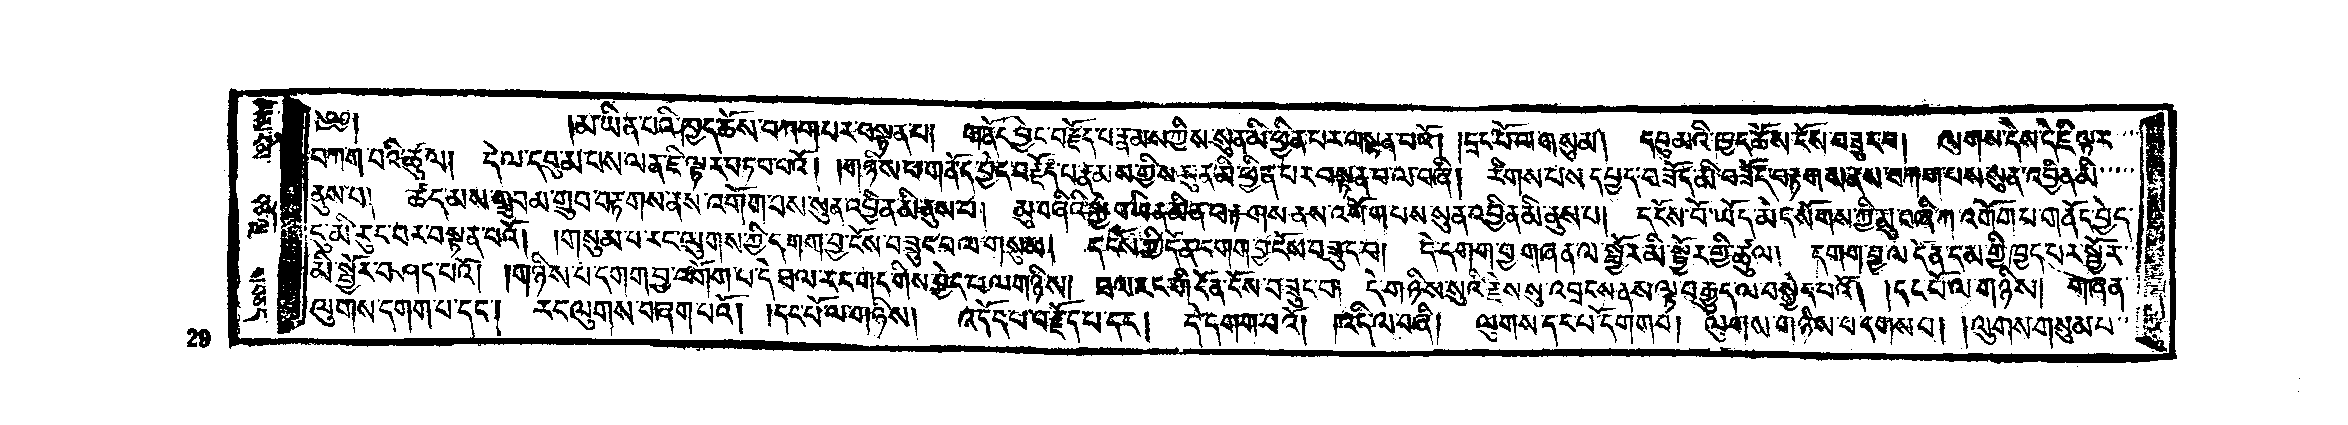༄༅། །མ་ཡིན་པའི་ཁྱད་ཆོས་བཀག་པར་བསྟན་པ། གནོད་བྱེད་བརྗོད་པ་རྣམས་ཀྱིས་སུན་མི་ཕྱིན་པར་བསྟན་པའོ། །དང་པོ་ལ་གསུམ། དབུ་མའི་ཁྱད་ཆོས་ངོས་བཟུང་བ། ལུགས་དེས་དེ་ཇི་ལྟར་
བཀག་པའི་ཚུལ། དེ་ལ་དབུ་མ་པས་ལན་ཇི་ལྟར་བཏབ་པའོ། །གཉིས་པ་གནོད་བྱེད་བརྗོད་པ་རྣམས་ཀྱིས་སུན་མི་ཕྱིན་པར་བསྟན་པ་ལ་བཞི། རིགས་པས་དཔྱད་བཟོད་མི་བཟོད་བརྟགས་ནས་བཀག་པས་སུན་འབྱིན་མི་
ནུས་པ། ཚད་མས་གྲུབ་མ་གྲུབ་བརྟགས་ནས་འགོག་པས་སུན་འབྱིན་མི་ནུས་པ། མུ་བཞིའི་སྐྱེ་བ་ཡིན་མིན་བརྟགས་ནས་འགོག་པས་སུན་འབྱིན་མི་ནུས་པ། དངོས་པོ་ཡོད་མེད་སོགས་ཀྱི་མུ་བཞི་ཀ་འགོག་པ་གནོད་བྱེད་
དུ་མི་རུང་བར་བསྟན་པའོ། །གསུམ་པ་རང་ལུགས་ཀྱི་དགག་བྱ་ངོས་བཟུང་བ་ལ་གསུམ། དངོས་ཀྱི་དོན་དགག་བྱ་ངོས་བཟུང་བ། དེ་དགག་བྱ་གཞན་ལ་སྦྱོར་མི་སྦྱོར་གྱི་ཚུལ། དགག་བྱ་ལ་དོན་དམ་གྱི་ཁྱད་པར་སྦྱོར་
མི་སྦྱོར་བཤད་པའོ། །གཉིས་པ་དགག་བྱ་འགོག་པ་དེ་ཐལ་རང་གང་གིས་བྱེད་པ་ལ་གཉིས། ཐལ་རང་གི་དོན་ངོས་བཟུང་བ། དེ་གཉིས་སུའི་རྗེས་སུ་འབྲངས་ནས་ལྟ་བ་རྒྱུད་ལ་བསྐྱེད་པའོ། །དང་པོ་ལ་གཉིས། གཞན་
ལུགས་དགག་པ་དང་། རང་ལུགས་བཞག་པའོ། །དང་པོ་ལ་གཉིས། འདོད་པ་བརྗོད་པ་དང་། དེ་དགག་པའོ། །འདི་ལ་བཞི། ལུགས་དང་པོ་དགག་པ། ལུགས་གཉིས་པ་དགག་པ། །ལུགས་གསུམ་པ་